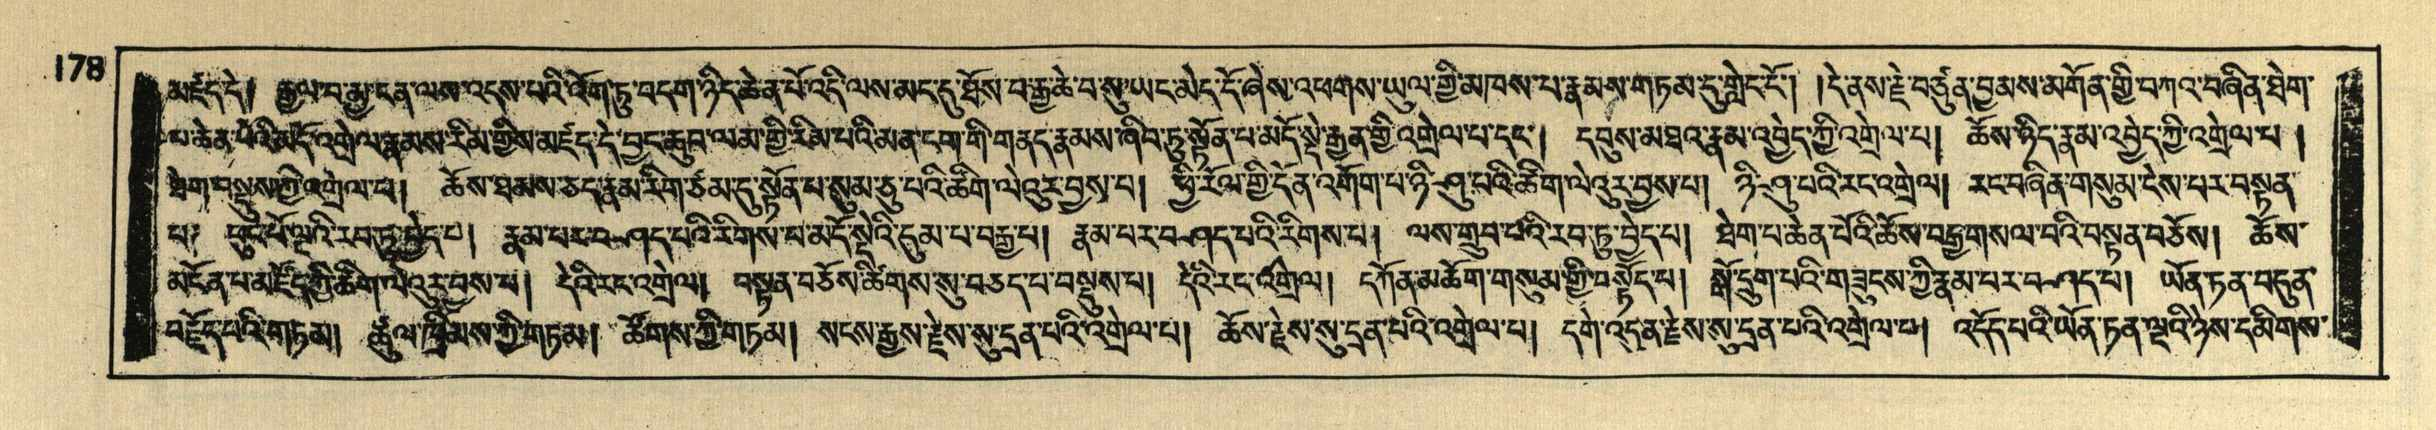མཛད་དེ། རྒྱལ་བ་མྱ་ངན་ལས་འདས་པའི་འོག་ཏུ་བདག་ཉིད་ཆེན་པོ་འདི་ལས་མང་དུ་ཐོས་པ་རྒྱ་ཆེ་བ་སུ་ཡང་མེད་དོ་ཞེས་འཕགས་ཡུལ་གྱི་མཁས་པ་རྣམས་གཏམ་དུ་གླེང་ངོ། །དེ་ནས་རྗེ་བཙུན་བྱམས་མགོན་གྱི་བཀའ་བཞིན་ཐེག་
པ་ཆེན་པོའི་མདོ་འགྲེལ་རྣམས་རིམ་གྱིས་མཛད་དེ་བྱང་ཆུབ་ལམ་གྱི་རིམ་པའི་མན་ངག་གི་གནད་རྣམས་ཞིབ་ཏུ་སྟོན་པ་མདོ་སྡེ་རྒྱན་གྱི་འགྲེལ་པ་དང་། དབུས་མཐའ་རྣམ་འབྱེད་ཀྱི་འགྲེལ་པ། ཆོས་ཉིད་རྣམ་འབྱེད་ཀྱི་འགྲེལ་པ།
ཐེག་བསྡུས་ཀྱི་འགྲེལ་པ། ཆོས་ཐམས་ཅད་རྣམ་རིག་ཙམ་དུ་སྟོན་པ་སུམ་ཅུ་པའི་ཚིག་ལེའུར་བྱས་པ། ཕྱི་རོལ་གྱི་དོན་འགོག་པ་ཉི་ཤུ་པའི་ཚིག་ལེའུར་བྱས་པ། ཉི་ཤུ་པའི་རང་འགྲེལ། རང་བཞིན་གསུམ་ངེས་པར་བསྟན་
པ༑ ཕུང་པོ་ལྔའི་རབ་ཏུ་བྱེད་པ། རྣམ་པར་བཤད་པའི་རིགས་པ་མདོ་སྡེའི་དུམ་པ་བརྒྱ་པ། རྣམ་པར་བཤད་པའི་རིགས་པ། ལས་གྲུབ་པའི་རབ་ཏུ་བྱེད་པ། ཐེག་པ་ཆེན་པོའི་ཆོས་བརྒྱ་གསལ་བའི་བསྟན་བཅོས། ཆོས་
མངོན་པ་མཛོད་ཀྱི་ཐིག་ལེའུར་བྱས་པ། དེའི་རང་འགྲེལ། བསྟན་བཅོས་ཚིགས་སུ་བཅད་པ་བསྡུས་པ། དེའི་རང་འགྲེལ། དཀོན་མཆོག་གསུམ་གྱི་བསྟོད་པ། སྒོ་དྲུག་པའི་གཟུངས་ཀྱི་རྣམ་པར་བཤད་པ། ཡོན་ཏན་བདུན་
བརྗོད་པའི་གཏམ། ཚུལ་ཁྲིམས་གྱི་གཏམ། ཚོགས་ཀྱི་གཏམ། སངས་རྒྱས་རྗེས་སུ་དྲན་པའི་འགྲེལ་པ། ཆོས་རྗེས་སུ་དྲན་པའི་འགྲེལ་པ། དགེ་འདུན་རྗེས་སུ་དྲན་པའི་འགྲེལ་པ། འདོད་པའི་ཡོན་ཏན་ལྔའི་ཉེས་དམིགས་